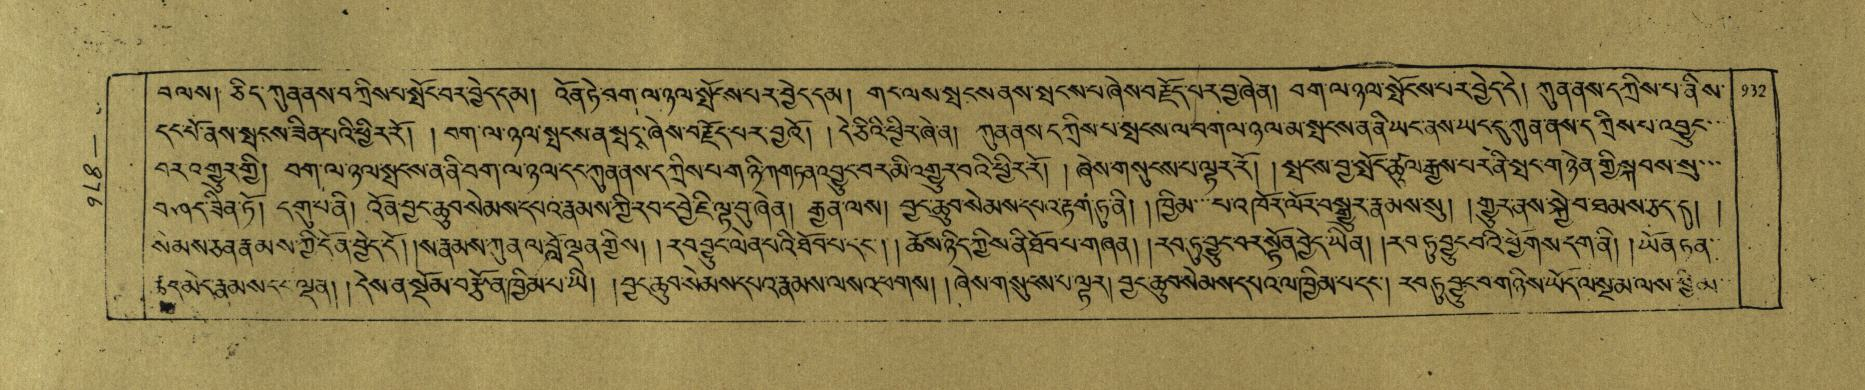བ་ལས། ཅིད་ཀུན་ནས་བཀྲིས་པ་སྤོང་བར་བྱེད་དམ། འོན་ཏེ་བག་ལ་ཉལ་སྤོངས་པར་བྱེད་དམ། གང་ལས་སྤངས་ནས་སྤངས་པ་ཞེས་བརྗོད་པར་བྱ་ཞེ་ན། བག་ལ་ཉལ་སྤོངས་པར་བྱེད་དེ། ཀུན་ནས་དཀྲིས་པ་ནི་ས་
དང་པོ་ནས་སྤངས་ཟིན་པའི་ཕྱིར་རོ། །བག་ལ་ཉལ་སྤངས་ན་སྤངས་ཞེས་བརྗོད་པར་བྱའོ། །དེ་ཅིའི་ཕྱིར་ཞེ་ན། ཀུན་ནས་དཀྲིས་པ་སྤངས་ལ་བག་ལ་ཉལ་མ་སྤངས་ན་ནི་ཡང་ནས་ཡང་དུ་ཀུན་ནས་དཀྲིས་པ་འབྱུང་
བར་འགྱུར་གྱི། བག་ལ་ཉལ་སྤངས་ན་ནི་བག་ལ་ཉལ་དང་ཀུན་ནས་དཀྲིས་པ་གཉི་ཀ་གཏན་འབྱུང་བར་མི་འགྱུར་བའི་ཕྱིར་རོ། །ཞེས་གསུངས་པ་ལྟར་རོ། །སྤངས་བྱ་སྤོང་ཚུལ་རྒྱས་པར་ནི་སྤང་གཉེན་གྱི་སྐབས་སུ་
བཤད་ཟིན་ཏོ། དགུ་པ་ནི། འོན་བྱང་ཆུབ་སེམས་དཔའ་རྣམས་ཀྱི་རབ་དབྱེ་ཇི་ལྟ་བུ་ཞེ་ན། རྒྱན་ལས། བྱང་ཆུབ་སེམས་དཔའ་རྟག་ཏུ་ནི། །ཁྱིམ་པ་འཁོར་ལོར་བསྒྱུར་རྣམས་སུ། །གྱུར་ནས་སྐྱེ་བ་ཐམས་ཅད་དུ། །
སེམས་ཅན་རྣམས་ཀྱི་དོན་བྱེད་དོ། །ས་རྣམས་ཀུན་ལ་བློ་ལྡན་གྱིས། །རབ་བྱུང་ལེན་པའི་ཐོབ་པ་དང་། །ཆོས་ཉིད་ཀྱིས་ནི་ཐོབ་པ་གཞན། །རབ་ཏུ་བྱུང་བར་སྟོན་བྱེད་ཡིན། །རབ་ཏུ་བྱུང་བའི་ཕྱོགས་དག་ནི། །ཡོན་ཏན་
ཚད་མེད་རྣམས་དང་ལྡན། །དེས་ན་སྡོམ་བརྩོན་ཁྱིམ་པ་ཡི། །བྱང་ཆུབ་སེམས་དཔའ་རྣམས་ལས་འཕགས། །ཞེས་གསུངས་པ་ལྟར། བྱང་ཆུབ་སེམས་དཔའ་ལ་ཁྱིམ་པ་དང་། རབ་ཏུ་བྱུང་བ་གཉིས་ཡོད་ལ་སྔ་མ་ལས་ཕྱི་མ་